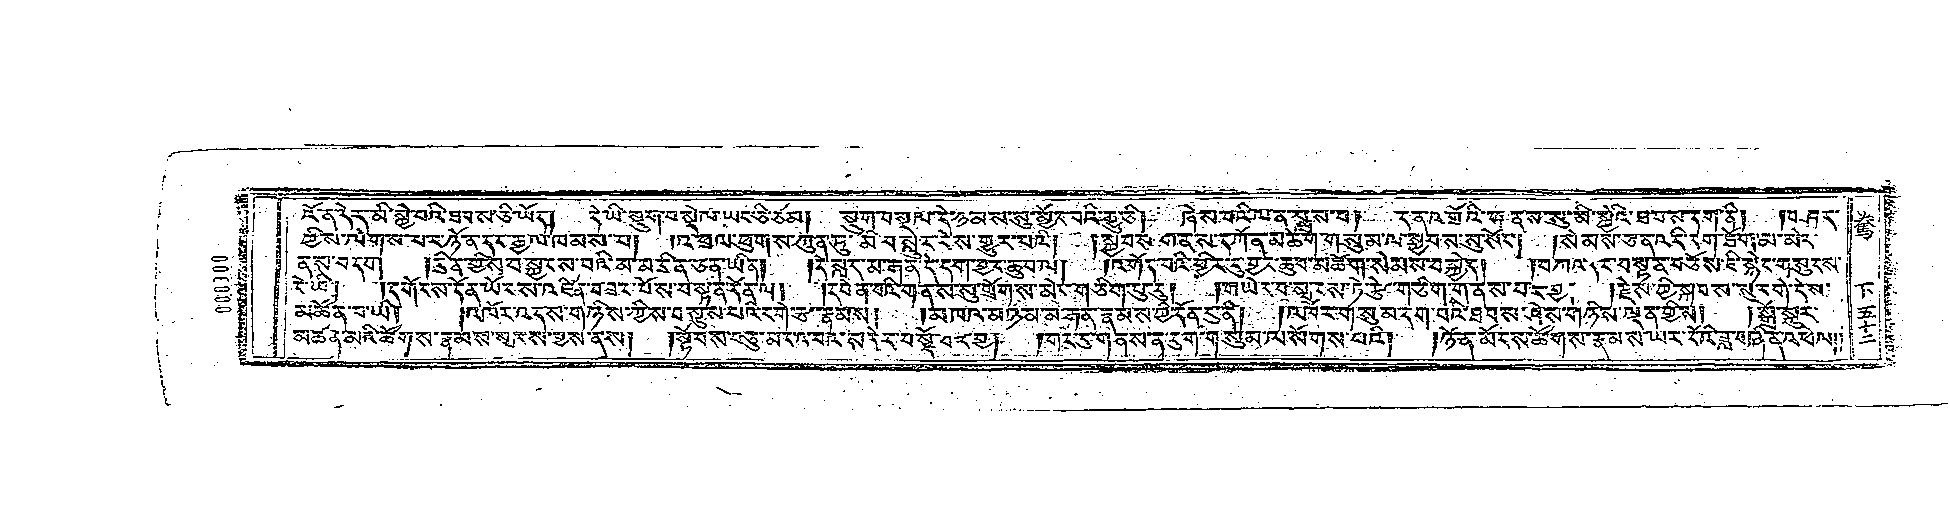འོ་ན་དེར་མི་སྐྱེ་བའི་ཐབས་ཅི་ཡོད། །དེ་ཡི་སྡུག་བསྔལ་ཡང་ཅི་ཙམ། སྡུག་བསྣལ་དེ་ཉམས་སུ་མྱོང་བའི་རྒྱུ་ཅི། །ཞེས་པའི་ལན་སྨྲས་པ། ངན་འགྲོའི་གནས་སུ་མི་སྐྱེའི་ཐབས་དག་ནི། །བཤད་
ཀྱིས་ལེགས་པར་ཉོན་དང་རྒྱལ་ཁམས་པ། །འཕྲལ་ཕུགས་ཀུན་ཏུ་མི་བསླུར་ངེས་གྱུར་པའི། །སྐྱབས་གནས་དཀོན་མཆོག་གསུམ་ལ་སྐྱབས་སུ་སོང་། །སེམས་ཅན་འདི་དག་ཐོག་མ་མེད་
ནས་བདག །དྲིན་གྱིས་བསྐྱངས་པའི་མ་མདྲིན་ཅན་ཡིན། །དེ་སླད་མ་རྒན་དེ་དག་བྱང་ཆུབ་ལ། །འགོད་པའི་ཕྱིར་དུ་བྱང་ཆུབ་མཆོག་སེམས་བསྐྱེད། །བཀའ་དང་བསྟན་བཅོས་ཇི་སྙེད་གསུངས་
དེ་ཡི། །དགོངས་དོན་ཡོངས་འཛིན་བཟང་པོས་བསྟན་དོན་ལ། །དབེན་པའི་གནས་སུ་གྲོགས་མེད་གཅིག་པུ་རུ། །གཡེང་བ་སྤངས་ཏེ་རྩེ་གཅིག་གནས་པར་བྱ། །རྗེས་ཀྱི་སྐབས་སུ་དགེ་དེས་
མཚོན་པ་ཡི། །འཁོར་འདས་གཉིས་ཀྱིས་བསྡུས་པའི་དགེ་རྩ་རྣམས། །མཁའ་མཉམ་མ་རྒན་རྣམས་ཀྱི་དོན་དུ་ནི། །འཁོར་གསུམ་དག་བའི་ཐབས་ཤེས་གཉིས་ལྡན་གྱིས། །སྒྲོ་སྐུར་
མཚན་མའི་ཚོགས་རྣམས་སྤངས་བྱས་ནས། །སྟོབས་བཅུ་མངའ་བའི་ས་དེར་བསྡོ་བར་བྱ། །གང་དུ་གནས་ན་དུག་གསུམ་ལ་སོགས་པའི། །ཉོན་མོངས་ཚོགས་རྣམས་ཡར་ངོའི་ཟླ་བཞིན་འཕེལ། །